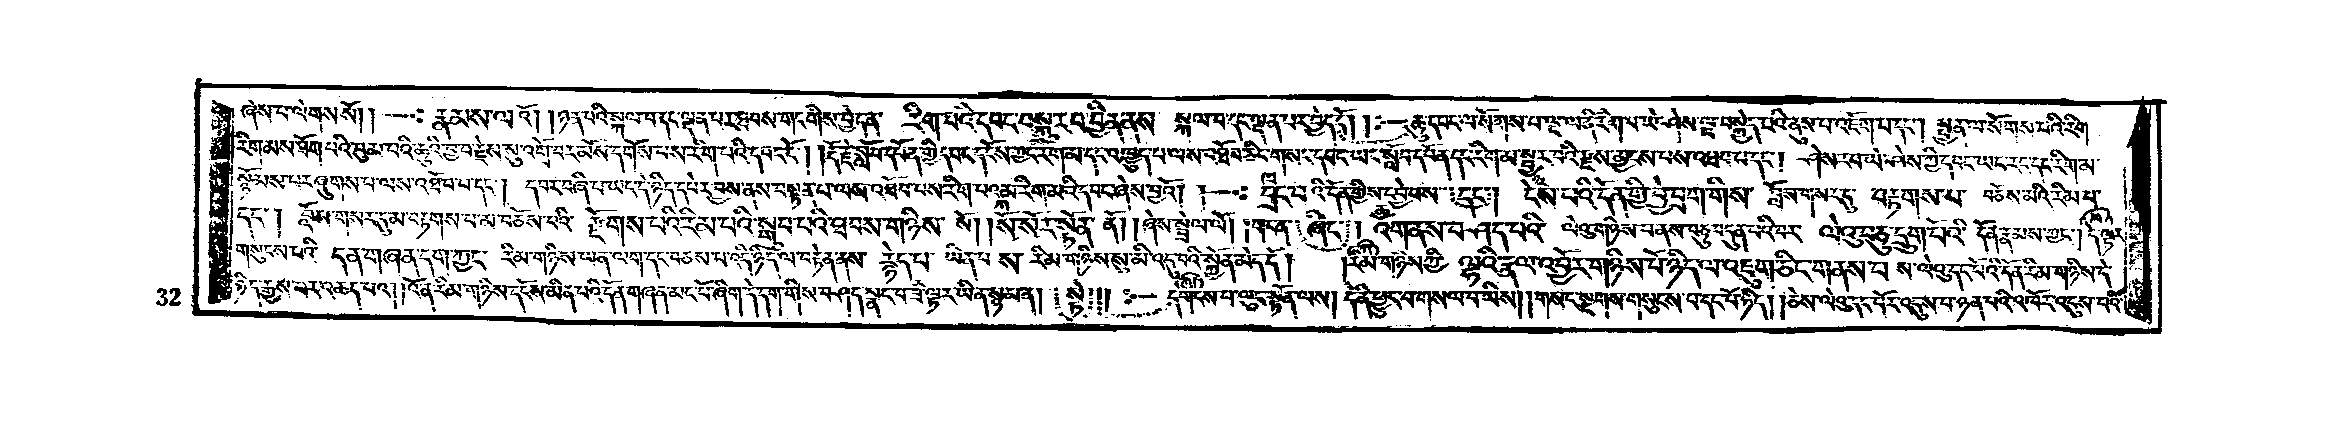ཞེས་པ་ལེགས་སོ། ། .Hརྣམས་ལའོ། ། ཉན་པའི་སྐལ་པ་དང་ལྡན་པར་ཐབས་གང་གིས་བྱེད་ན་རིག་པའི་དབང་བསྐུར་བ་བྱིན་ནས་སྐལ་པ་དང་ལྡན་པར་བྱེད་དོ།།H.་ཆུ་དབང་ལ་སོགས་པ་ལྔ་ལ་ནི་རིག་པ་ཡེ་ཤེས་ལྔ་བསྐྱེད་པའི་ནུས་པ་འཇོག་པ་དང་། སྤྱན་ལ་སོགས་པའི་རིག་པའམ་
རིག་མས་ཐོག་པའི་བུམ་པའི་ཆུའི་བྱ་བ་རྗེས་སུ་འགྲོ་བར་མོས་དགོས་པས་རིག་པའི་དབང་ངོ། །རྡོ་རྗེ་སློབ་དཔོན་གྱི་དབང་དངོས་ཀྱང་རིག་མ་དང་འཁྱུད་པ་ལས་འཐོབ་ཅིང་གསང་དབང་ཡོང་སློབ་དཔོན་དང་རིག་མ་སྦྱང་བའི་རྫས་མྱངས་པས་འཐོབ་པ་དང་། ཤེས་རབ་ཡེ་ཤེས་ཀྱི་དབང་ཡང་རང་དང་རིག་མ་
སྙོམས་པར་ཞུགས་པ་ལས་འཐོབ་པ་དང་། དབང་བཞི་པ་ཡང་དེ་ཉིད་དཔེར་བྱས་ནས་བསྟན་པ་ལས་འཐོབ་པས་རིག་པའམ་རིག་མའི་དབང་ཞེས་བྱའོ། ། .Hཁ་དྲང་བའི་དོན་གྱིས་དབྱེ་བས་དང་། ངེས ༣་པའི་དོན་གྱི་བྱེ་བྲག་གིས་བློས་གསར ༢་དུ་བརྟགས་པ་བཅོས་མའི་རིམ་པ
དང་། བློས ༤་གསར་དུ་མ་བརྟགས་པ་མ་བཅོས་པའི་རྫོགས་པའི་རིམ་པའི་སྒྲུབ་པའི་ཐབས་གཉིས་སོ། །སོ་ཀ་སོར་སྟོན་ནོ། །ཞེས་སྤྲེལ་ལོ། །གང་ན་ཞིང་། ཆ་འོག་ནས་བཤད་པའི་ལེའུ་གཉིས་པ་ནས་བཅུ་བདུན་པའི་བར་ལེའུ་བཅུ་དྲུག་པོའི་དོན་རྣམས་ཀྱང་། ?ཁ྄་དེ་ལྟར་
གསུངས་པའི་དོན་གཞན་དག་ཀྱང་རིམ་གཉིས་ཡན་ལག་དང་བཅས་པ་འདི་ཉིད་ལ་བརྟེན་ནས་རྙེད་པ་ཡིན་པས་རིལ་གཉིས་སུ་མི་འདུ་བའི་སྐྱོན་མེད་དོ། །?ཀ྄་རིམ་གཉིས་ཀྱི་ལྷའི་རྣལ་འབྱོར་གཉིས་པོ་ཉིད་ལ་འཇུག་ཅིང་གནས་པས་ལེའུ་དང་པོའི་དོན་རིམ་གཉིས་དེ་
ཉིད་རྒྱས་པར་འཆད་པའོ། །འོ་ན་རིམ་གཉིས་དངོས་མིན་པའི་དོན་གཞན་མང་པོ་ཞིག་དེ་དག་གིས་བཤད་སྣང་བ་ཇི་ལྟར་ཡིན་སྙམ་ན། སྟེ།།H.་?ག྄་དགོངས་པ་ལུང་སྟོན་ལས། དེ་ནི་ཕྱུང་བ་གསལ་བ་ཡིས། །གསང་སྔགས་གསུངས་པ་དང་པོ་ཉིད། །ཅེས་ལེའུ་དང་པོར་འདུས་པ་ཉན་པའི་འཁོར་འདུས་པའི